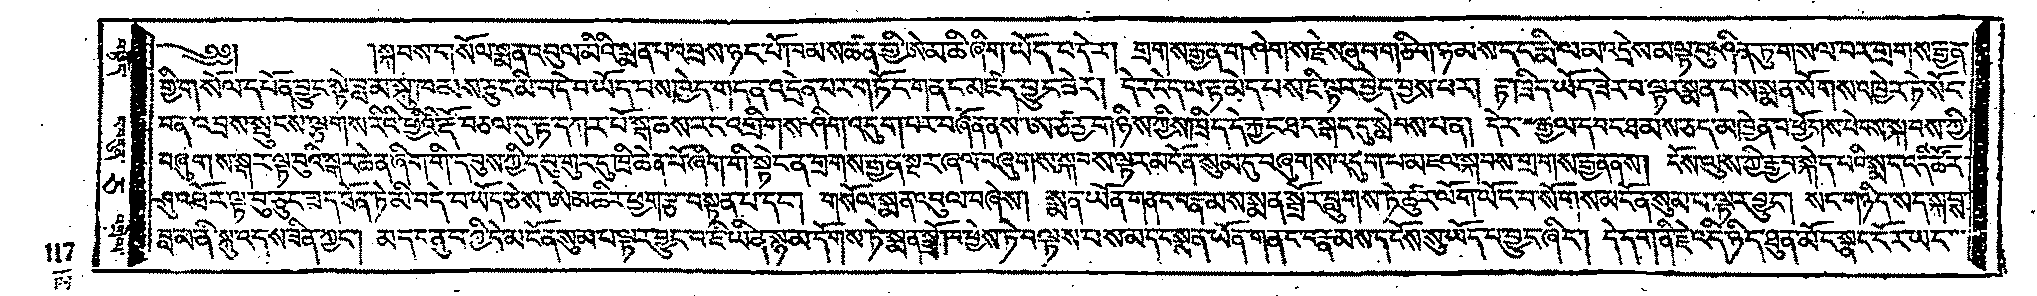༄༅། །སྐབས་གསོལ་སྨན་འབུལ་མིའི་སྨན་པ་འབྲས་ཉང་པོ་ཁམས་ཚན་གྱི་ཨེམ་ཆི་ཞིག་ཡོད་པ་དེར། གྲགས་རྒྱན་གཤེགས་རྗེས་ནུབ་གཅིག་ཉམས་དང་རྨི་ལམ་འདྲེས་མ་ལྟ་བུ་ཤིན་ཏུ་གསལ་བར་གྲགས་རྒྱན་
གྱི་གསོལ་དཔོན་བྱུང་སྟེ་བླ་མ་སྐུ་ཁམས་ཅུང་མི་བདེ་བ་ཡོད་པས་ཁྱེད་གདན་འདྲེན་པར་གཏོང་གནང་མཛད་བྱུང་ཟེར། དེར་ངེད་ལ་རྟ་མེད་པས་ཇི་ལྟར་བྱེད་བྱས་པར། རྟ་ཁྲིད་ཡོད་ཟེར་བ་ལྟར་སྨན་པས་སྨན་སོགས་འཁྱེར་ཏེ་སོང་
བ་ན་འབྲས་སྤུངས་ལྕགས་རིའི་ཕྱིའི་རྡོ་བཅལ་དུ་རྟ་དཀར་པོ་སྒ་ཆས་རང་འགྲིགས་ཤིག་འདུག་པར་བཞོན་ནས་ཨ་ཙ་རྱ་གཉིས་ཀྱིས་ཁྲིད་དེ་རྐྱང་ཐང་སྒང་དུ་སླེབས་པ་ན། དེར་༧རྒྱལ་དབང་ཐམས་ཅད་མཁྱེན་པ་ཕྱོགས་ཕེབས་སྐབས་ཀྱི་
བཞུགས་སྒར་ལྟ་བུའི་སྒར་ཆེན་ཞིག་གི་དབུས་ཀྱི་དབུ་གུར་དུ་ཁྲི་ཆེན་པོ་ཞིག་གི་སྟེང་ན་གྲགས་རྒྱན་སྔར་ཞལ་བཞུགས་སྐབས་ལྟར་མངོན་སུམ་དུ་བཞུགས་འདུག་པ་མཇལ་སྐབས་གྲགས་རྒྱན་ནས། ངོས་ལུས་ཀྱི་རྒྱབ་སྐེད་པའི་སྨད་འདི་ཚོར་
ཤུ་འཐོར་ལྟ་བུ་ཅུང་ཟད་ཐོན་ཏེ་མི་བདེ་བ་ཡོད་ཅེས་ཨེམ་ཆིར་ཕྱག་རྩ་བསྟན་པ་དང་། གསོལ་སྨན་འབུལ་བ་ཞེས། སྨན་ཡོན་གནང་བ་རྣམས་སྨན་སྒྲོར་བླུགས་ཏེ་ཚུར་ལོག་ཡོང་བ་སོགས་མངོན་སུམ་པ་ལྟར་བྱུང་། སང་གཉིད་སད་སྐབས་
བླ་མ་ནི་སྐུ་འདས་ཟིན་ཀྱང་། མདང་ནུབ་ཀྱི་དེ་མངོན་སུམ་པ་ལྟར་བྱུང་བ་ཇི་ཡིན་སྙམ་དོགས་ཏེ་སྨན་སྒྲོ་ཁ་ཕྱེས་ཏེ་བལྟས་པས་མ་དང་སྨན་ཡོན་གནང་བ་རྣམས་དངོས་སུ་ཡོད་པ་བྱུང་ཞིང་། དེ་དག་ནི་རྗེ་འདི་ཉིད་ཐུན་མོང་སྣང་ངོར་ཡང་